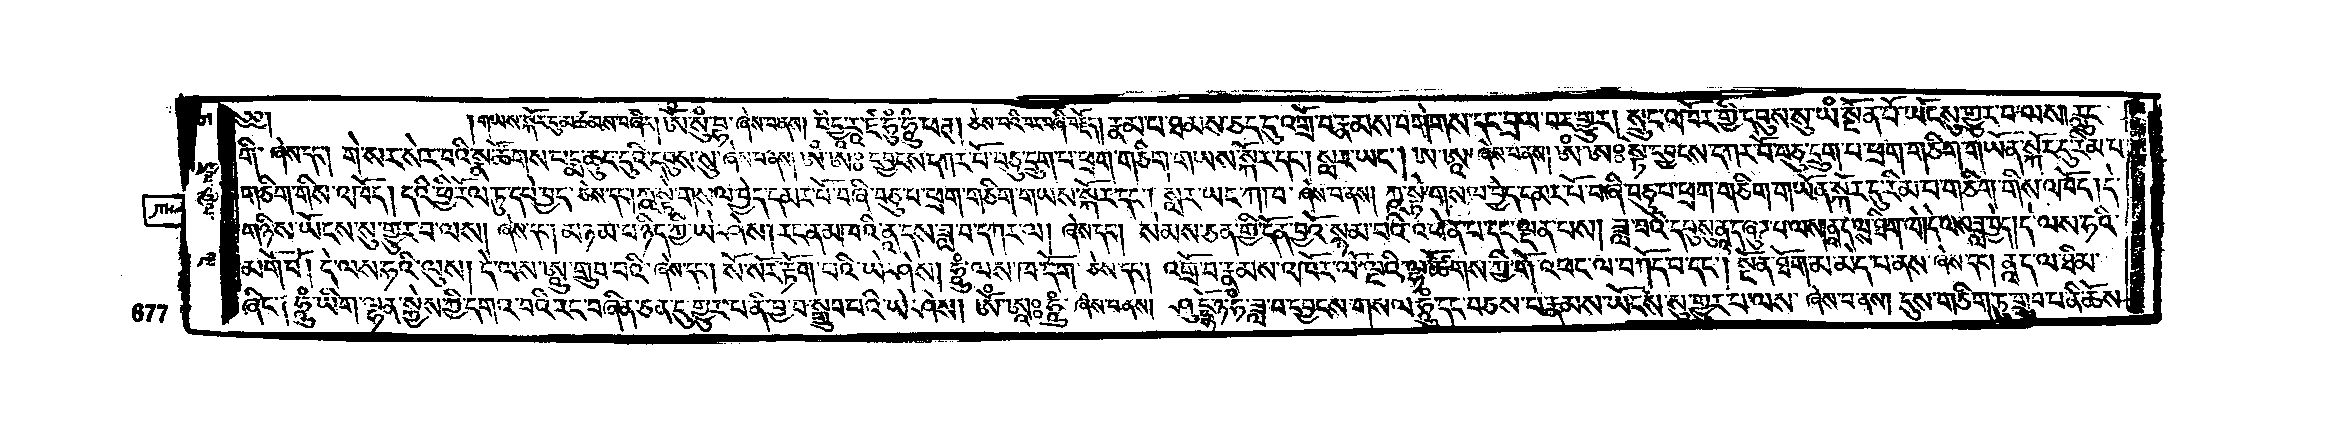༄༅། །གཡས་སྐོར་དུ་མཚམས་བཞིར། ཨོཾ་སུཾ་བྷ་ཞེས་པ་ནས།  བིདྱཱ་རཱ་ཛ་ཧུཾ་ཧཱུཾ་ཕཊ། ཅེས་པའི་བར་བཞི་བརྗོད།  རྣམ་པ་ཐམས་ཅད་དུ་འགྲོ་བ་རྣམས་བགེགས་དང་བྲལ་བར་གྱུར། སྲུང་འཁོར་གྱི་དབུས་སུ་ཡཾ་སྔོན་པོ་ཡོངས་སུ་གྱུར་བ་ལས། རླུང་
གི་ཞེས་དང་།  གེ་སར་སེར་བའི་སྣ་ཚོགས་པདམ་ཆུང་ངུའི་དབུས་སུ་ཞེས་པ་ནས།  ཨཾ་ཨཿ དབྱངས་དཀར་པོ་བཅུ་དྲུག་པ་ཕྲག་གཅིག་གཡས་སྐོར་དང་། སླར་ཡང་། ཨ་ཨཱ་ཞེས་པ་ནས།  ཨཾ་ཨཿ སྟེ་དབྱངས་དཀར་པོ་བཅུ་དྲུག་པ་ཕྲག་གཅིག་གཡོན་སྐོར་དུ་རིམ་པ་
གཅིག་གིས་འཁོད། དེའི་ཕྱི་རོལ་ཏུ་དཔེ་བྱད་ཅེས་དང་།  ཀྵ་སྟེ་གསལ་བྱེད་དམར་པོ་བཞི་བཅུ་པ་ཕྲག་གཅིག་གཡས་སྐོར་དང་། སླར་ཡང་ཀ་ཁ་ཞེས་པ་ནས།  ཀྵ་སྟེ་གསལ་བྱེད་དམར་པོ་བཞི་བཅུ་པ་ཕྲག་གཅིག་གཡོན་སྐོར་དུ་རིམ་པ་གཅིག་གིས་འཁོད། དེ་
གཉིས་ཡོངས་སུ་གྱུར་པ་ལས། ཞེས་དང་།  མཉམ་པ་ཉིད་ཀྱི་ཡེ་ཤེས། རང་ནམ་མཁའི་ནཱ་དས་ཟླ་བ་དཀར་ལ། ཞེས་དང་།  སེམས་ཅན་གྱི་དོན་བྱའོ་སྙམ་པའི་འཕེན་པ་དང་ལྡན་པས། ཟླ་བའི་དབུས་སུ་ནཱ་ད་ཞུགས་པ་ལས། ནཱ་ད་ལས་ཐིག་ལེ། དེ་ལས་ཟླ་བྱེད། དེ་ལས་ཧའི་
མགོ་བོ། དེ་ལས་ཧའི་ལུས། དེ་ལས་ཨཱུ་གྲུབ་པའི་ཞེས་དང་།  སོ་སོར་རྟོག་པའི་ཡེ་ཤེས། ཧཱུཾ་ལས་ཁ་དོག་ཅེས་དང་།  འགྲོ་བ་རྣམས་འཁོར་ལོ་ལྔའི་ལྷ་ཚོགས་ཀྱི་གོ་འཕང་ལ་བཀོད་པ་དང་། སྔོན་ཐོག་མ་མེད་པ་ནས་ཞེས་དང་།  ནཱ་ད་ལ་ཐིམ་
ཞིང་། ཧཱུཾ་ཡིག་ལྷན་སྐྱེས་ཀྱི་དགའ་བའི་རང་བཞིན་ཅན་དུ་གྱུར་པ་ནི་བྱ་བ་སྒྲུབ་པའི་ཡེ་ཤེས། ཨོཾ་ཨཱཿ ཧཱུཾ་ཞེས་པ་ནས།  ཤུདྡྷོ་ཉ་ཧཾ་ཟླ་བ་དབྱངས་གསལ་ཧཱུཾ་དང་བཅས་པ་རྣམས་ཡོངས་སུ་གྱུར་པ་ལས་ཞེས་པ་ནས།  དུས་གཅིག་ཏུ་གྲུབ་པ་ནི་ཆོས་